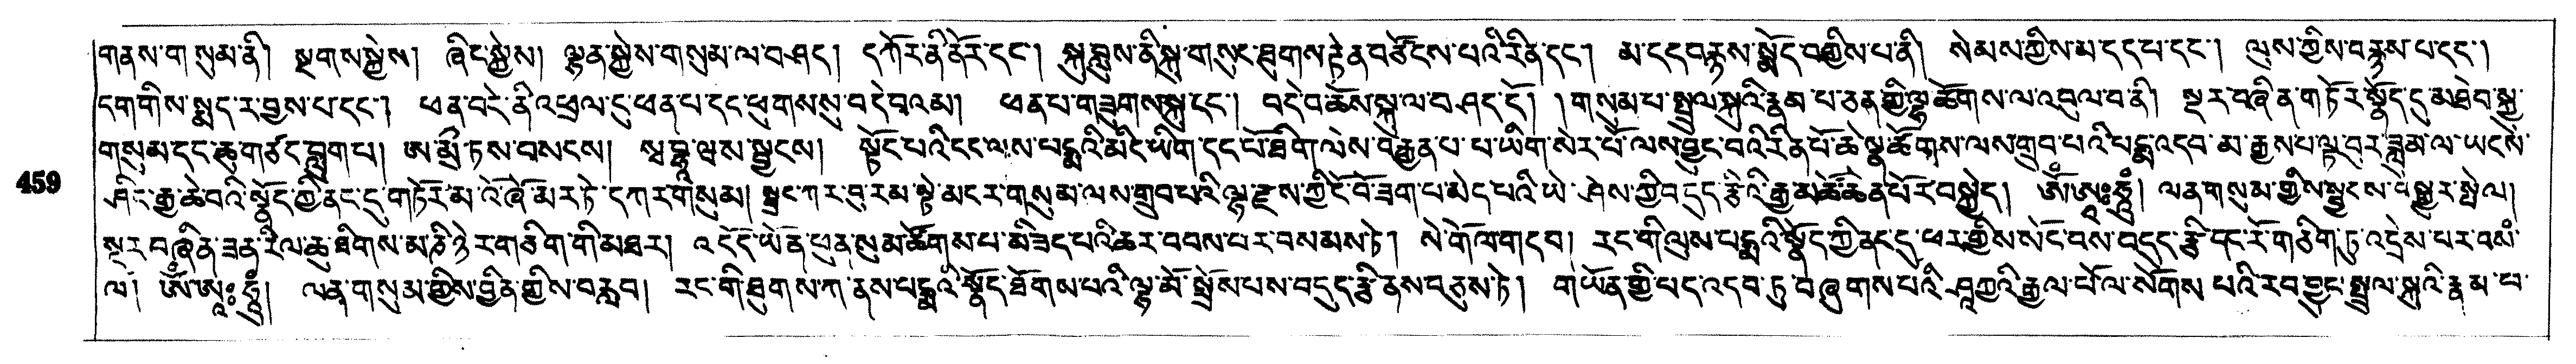གནས་གསུམ་ནི། སྔགས་སྐྱེས། ཞིང་སྐྱེས། ལྷན་སྐྱེས་གསུམ་ལ་བཤད། དཀོར་ནི་ནོར་དང་། སྐུ་བླུས་ནི་སྐུ་གསུང་ཐུགས་རྟེན་བཙོངས་པའི་རིན་དང་། མ་དད་བརྙས་སྨོད་བགྱིས་པ་ནི། སེམས་ཀྱིས་མ་དད་པ་དང་། ལུས་ཀྱིས་བརྙས་པ་དང་།
ངག་གིས་སྨད་ར་བྱས་པ་དང་། ཕན་བདེ་ནི་འཕྲལ་དུ་ཕན་པ་དང་ཕུགས་སུ་བདེ་བའམ། ཕན་པ་གཟུགས་སྐུ་དང་། བདེ་བ་ཆོས་སྐུ་ལ་བཤད་དོ། །གསུམ་པ་སྤྲུལ་སྐུའི་རྣམ་པ་ཅན་གྱི་ལྷ་ཚོགས་ལ་འབུལ་བ་ནི། སྔར་བཞིན་གཏོར་སྣོད་དུ་མཐེབ་སྐྱ་
གསུམ་དང་ཆུ་གཙང་བླུག་པ། ཨ་མྲྀ་ཏས་བསངས། སྭ་བྷཱ་ཝས་སྦྱངས། སྟོང་པའི་ངང་ལས་པདམའི་མིང་ཡིག་དང་པོ་ཐིག་ལེས་བརྒྱན་པ་པ་ཡིག་སེར་པོ་ལས་བྱུང་བའི་རིན་པོ་ཆེ་སྣ་ཚོགས་ལས་གྲུབ་པའི་པདམ་འདབ་མ་རྒྱས་པ་ལྟ་བུར་ཟླུམ་ལ་ཡངས་
ཤིང་རྒྱ་ཆེ་བའི་སྣོད་ཀྱི་ནང་དུ་གཏོར་མ་འོ་ཞོ་མར་ཏེ་དཀར་གསུམ། སྦྲང་ཀར་བུ་རམ་སྟེ་མངར་གསུམ་ལས་གྲུབ་པའི་ལྷ་རྫས་ཀྱི་ངོ་བོ་ཟག་པ་མེད་པའི་ཡེ་ཤེས་ཀྱི་བདུད་རྩིའི་རྒྱ་མཚོ་ཆེན་པོར་བསྐྱེད། ཨོཾ་ཨཱཿ ཧཱུཾ། ལན་གསུམ་གྱིས་སྦྱངས་བསྒྱུར་སྤེལ།
སྔར་བཞིན་ཟན་རིལ་ཆུ་ཐིགས་མ་ཎི་ཉེར་གཅིག་གི་མཐར། འདོད་ཡོན་ཕུན་སུམ་ཚོགས་པ་མི་ཟད་པའི་ཆར་བབས་པར་བསམས་ཏེ། སེ་གོལ་གདབ། རང་གི་ལུས་པདམའི་སྣོད་ཀྱི་ནང་དུ་ཕར་གྱིས་སོང་བས་བདུད་རྩི་དང་རོ་གཅིག་ཏུ་འདྲེས་པར་བསཾ་
ལ། ཨོཾ་ཨཱཿ ཧཱུཾ། ལན་གསུམ་གྱིས་བྱིན་གྱིས་བརླབ། རང་གི་ཐུགས་ཀ་ནས་པདམའི་སྣོད་ཐོགས་པའི་ལྷ་མོ་སྤྲོས་པས་བདུད་རྩི་ནས་བཅུས་ཏེ། གཡོན་གྱི་པད་འདབ་ཏུ་བཞུགས་པའི་ཤཱཀྱའི་རྒྱལ་པོ་ལ་སོགས་པའི་རབ་བྱུང་སྤྲུལ་སྐུའི་རྣམ་པ་